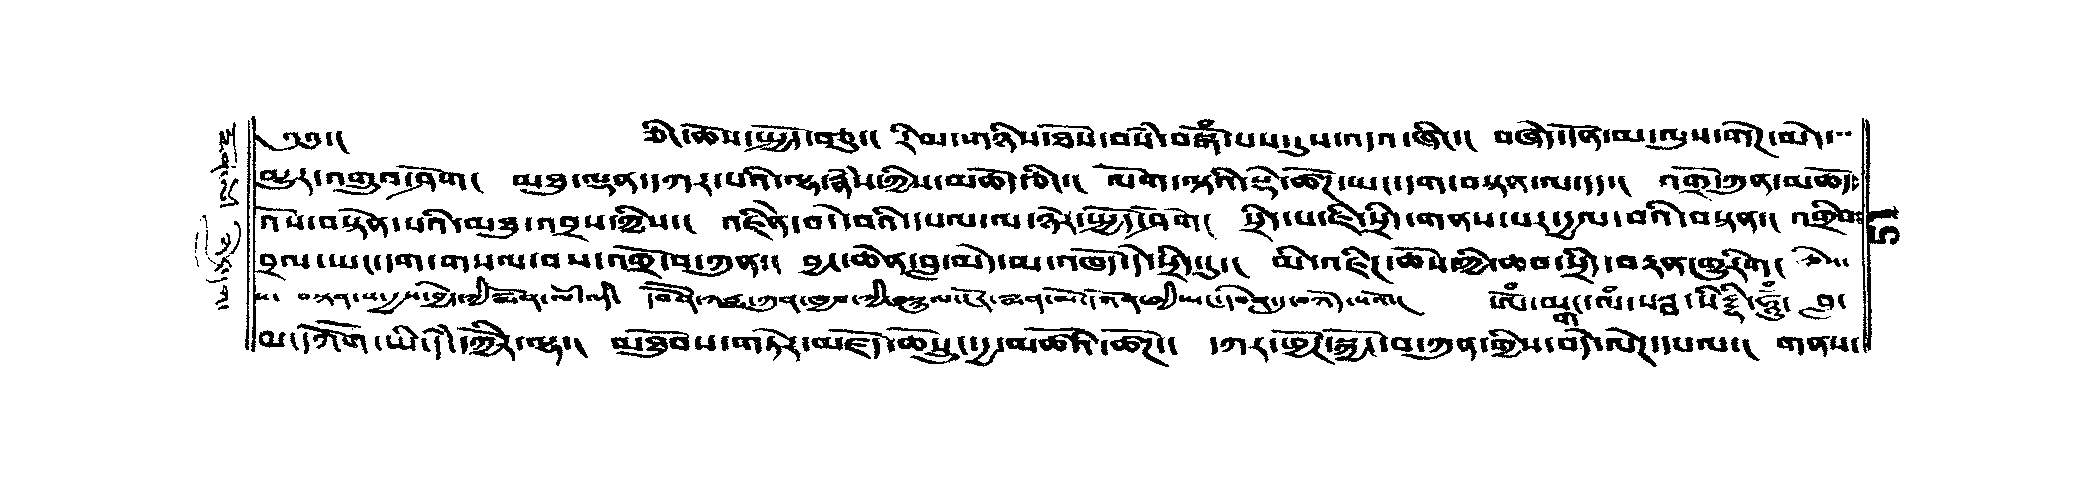ཅིང་ཆོས་སྤྱོད་བཅུ། །རིམ་གཉིས་ཐོས་བསམ་སྒོམ་པས་དུས་འདའ་ཞིང་། །བཞེད་དོན་མ་ལུས་གེགས་མེད་
མྱུར་འགྲུབ་ཤོག །མཐུ་ལྡན་དཀར་པོའི་ལྷ་རྣམས་ཀྱིས་མཆོད་ཅིང་། །ལོག་ལྟའི་སྡེ་ཚོགས་ཡང་དག་བསྟན་ལ་དད། །འགྲོ་ཀུན་མཆོད་
འོས་བསྟེན་པའི་མཐུ་འབྲས་ཀྱིས། །འཇིག་རྟེན་བདེ་བའི་དཔལ་ལ་ཉེར་སྤྱོད་ཤོག།སྲིད་པ་ཇི་སྲིད་གནས་པར་རྒྱལ་བའི་བསྟན། །འགྲིབ་
བྲལ་ཡང་དག་གསལ་བས་འགྲོ་བ་ཀུན། །བྱང་ཆེན་བླ་མེད་མ་འཁོད་དེ་སྲིད་དུ། །མི་འཇིགས་ཆོས་ཀྱི་ཆབ་སྲིད་བརྟན་གྱུར་ཅིག ཅེས་
པ་བསྟན་པ་རྒྱས་བྱེད་ཀྱི་སྨོན་ལམ་འདི། དབོན་པོ་ཀརྨ་ཀུན་ཁྱབ་ཀྱི་བསྐུལ་ངོར་སྨན་མོ་དགོན་གྱི་ཡང་དབེན་དུ་བཀོད་པའོ།། ཨོཾ་མངྒ་ལཾ་སརྦ་སིདྡྷི་ཧཱུྃ། བླ་
མ་དཀོན་མཆོག་ཡི་དམ་དཀྱིལ་འཁོར་ལྷ། །མཐུ་སྟོབས་གཏེར་མཛོད་ཆོས་སྲུང་རྒྱ་མཚོའི་ཚོགས། །དཀར་ཕྱོགས་སྐྱོང་བ་ཀུན་གྱིས་བདེ་ལེགས་དཔལ། །གནས་